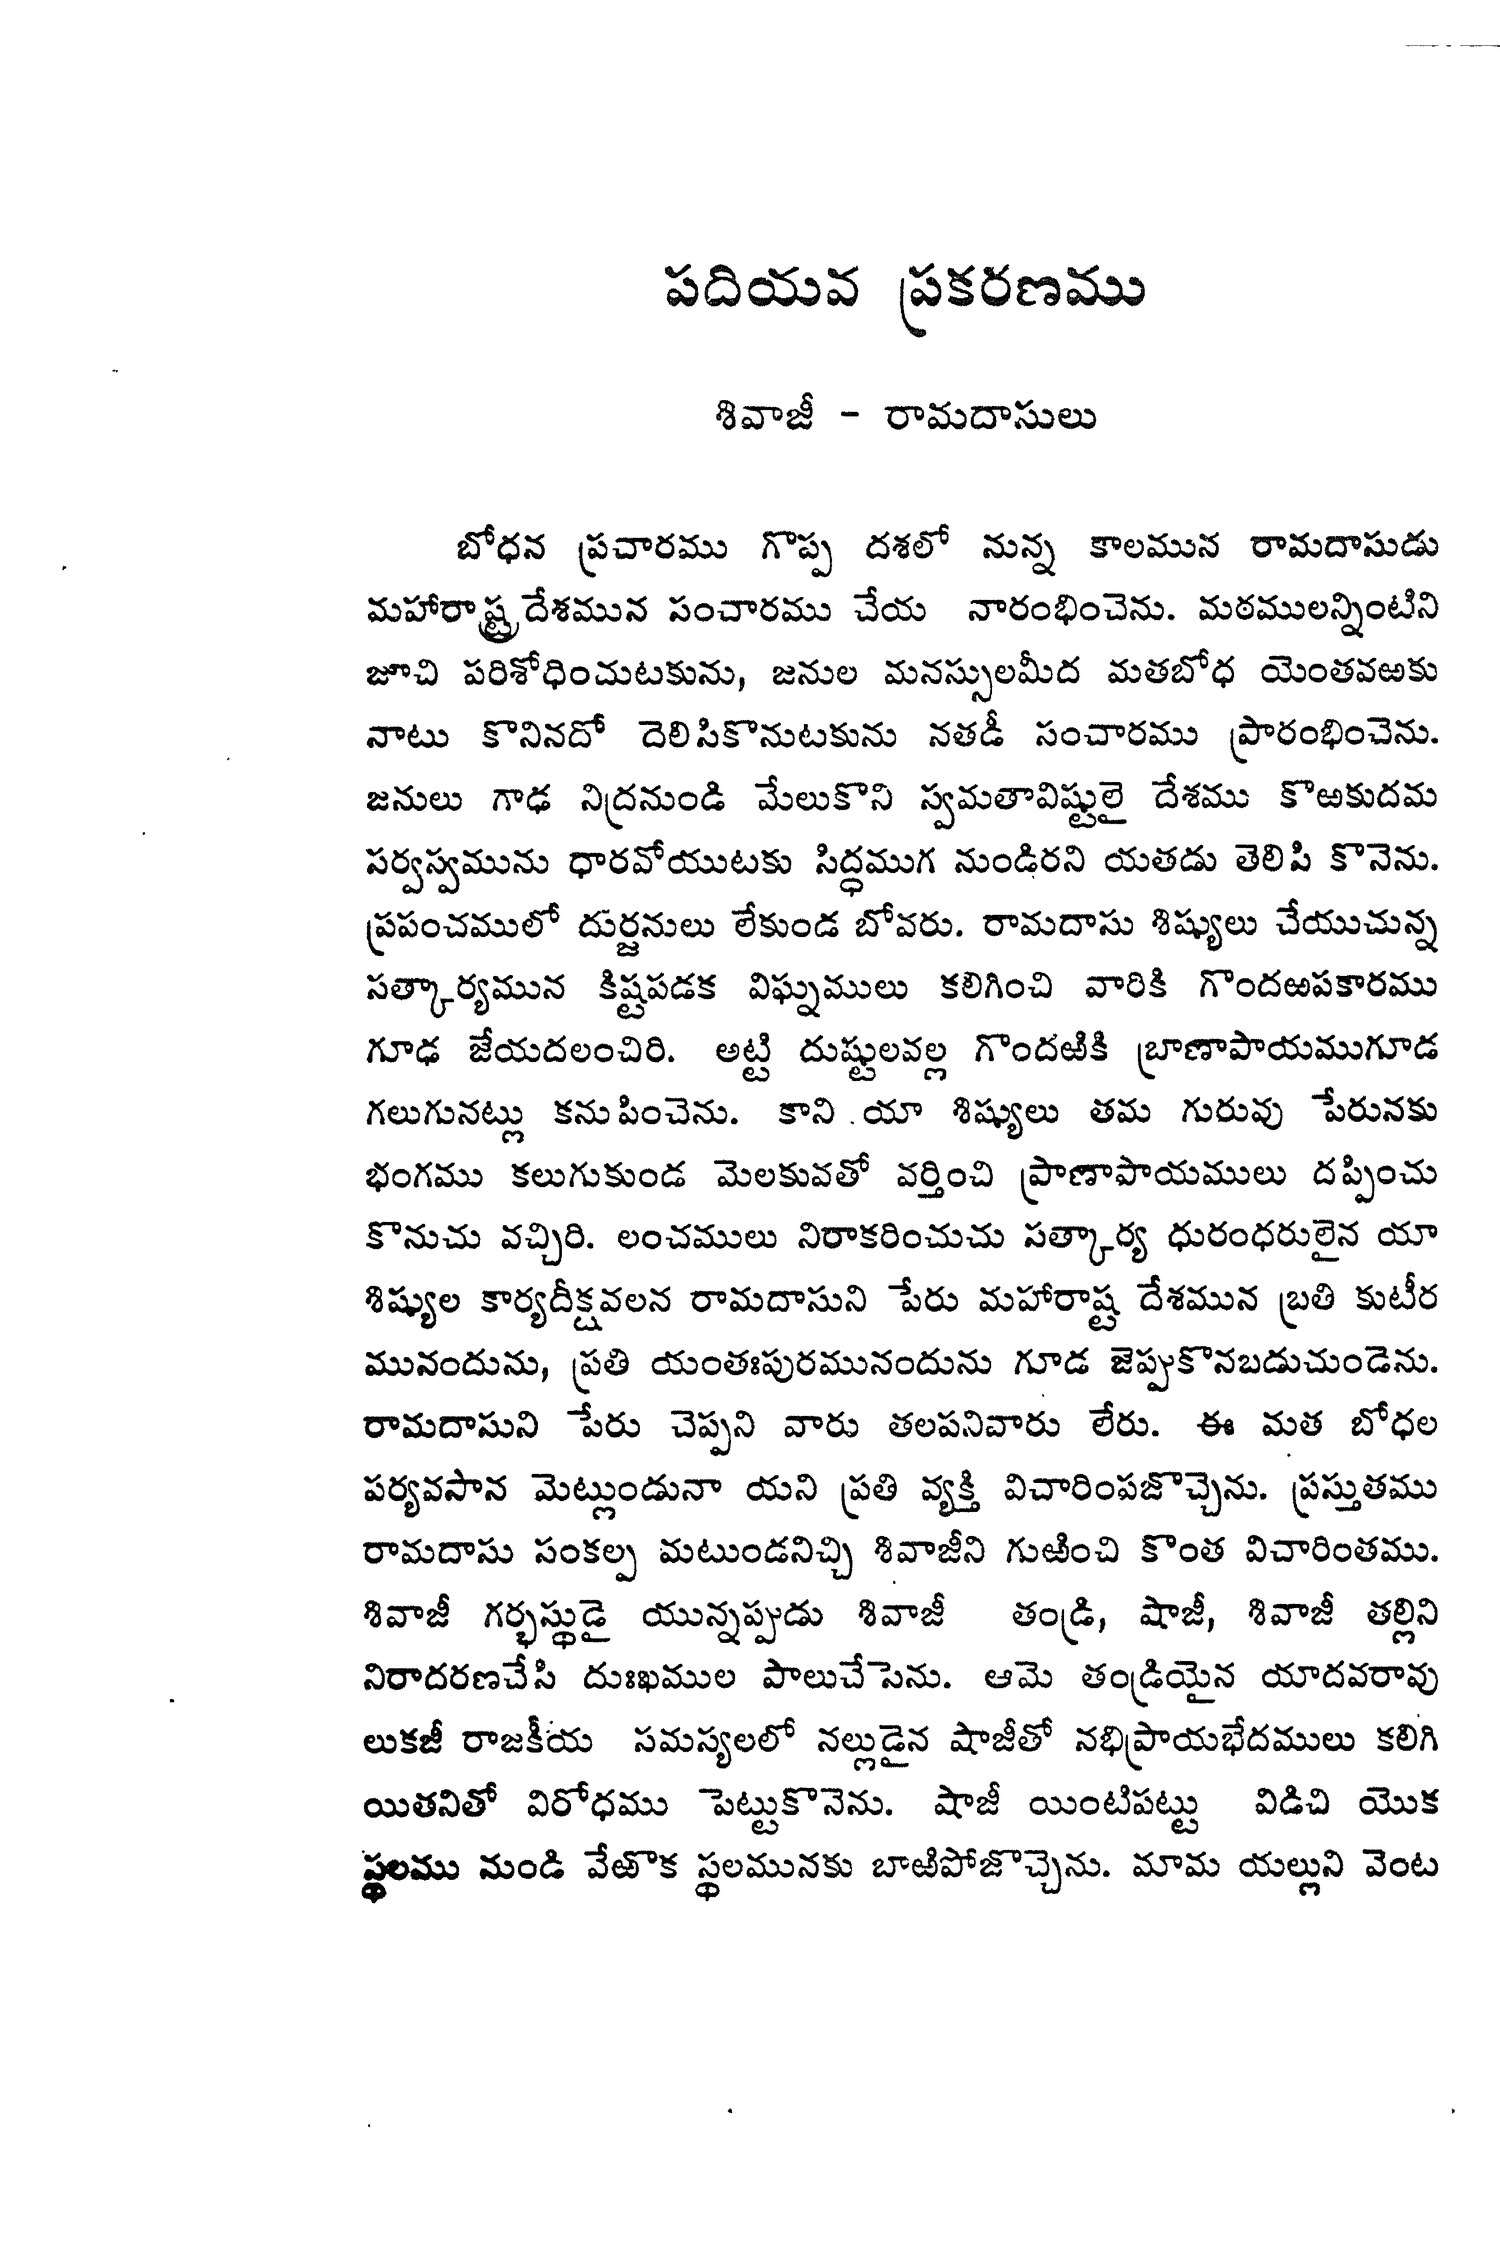బోధన ప్రచారము గొప్ప దశలో నున్న కాలమున రామదాసుడు మహారాష్ట్రదేశమున సంచారము చేయ నారంభించెను. మఠములన్నింటిని జూచి పరిశోధించుటకును, జనుల మనస్సులమీద మతబోధ యెంతవఱకు నాటు కొనినదో దెలిసికొనుటకును నతడీ సంచారము ప్రారంభించెను. జనులు గాడ నిద్రనుండి మేలుకొని స్వమతావిష్టులై దేశము కొఱకుదమ సర్వస్వమును ధారవోయుటకు సిద్ధముగ నుండిరని యతడు తెలిసి కొనెను. ప్రపంచములో దుర్జనులు లేకుండ బోవరు. రామదాసు శిష్యులు చేయుచున్న సత్కార్యమున కిష్టపడక విఘ్నములు కలిగించి వారికి గొందఱపకారము గూడ జేయదలంచిరి. అట్టి దుష్టులవల్ల గొందఱికి బ్రాణాపాయముగూడ గలుగునట్లు కనుపించెను. కాని యా శిష్యులు తమ గురువు పేరునకు భంగము కలుగుకుండ మెలకువతో వర్తించి ప్రాణాపాయములు దప్పించుకొనుచు వచ్చిరి. లంచములు నిరాకరించుచు సత్కార్య ధురంధరులైన యా శిష్యుల కార్యదీక్షవలన రామదాసుని పేరు మహారాష్త్ర దేశమున బ్రతి కుటీరమునందును, ప్రతి యంత:పురమునందును గూడ జెప్పుకొనబడుచుండెను. రామదాసుని పేరు చెప్పని వారు తలపనివారు లేరు. ఈ మత బోధల పర్యవసాన మెట్లుండునా యని ప్రతి వ్యక్తి విచారింపజొచ్చెను. ప్రస్తుతము రామదాసు సంకల్ప మటుండనిచ్చి శివాజీని గుఱించి కొంత విచారింతము. శివాజీ గర్భస్థుడై యున్నప్పుడు శివాజీ తండ్రి, షాజీ, శివాజీ తల్లిని నిరాదరణచేసి దు:ఖముల పాలుచేసెను. ఆమె తండ్రియైన యాదవరావు లుకజీ రాజకీయ సమస్యలలో నల్లుడైన షాజీతో నభిప్రాయభేదములు కలిగి యితనితో విరోధము పెట్టుకొనెను. షాజీ యింటిపట్టు విడిచి యొక స్థలము నుండి వేఱొక స్థలమునకు బాఱిపోజొచ్చెను. మామ యల్లుని వెంట